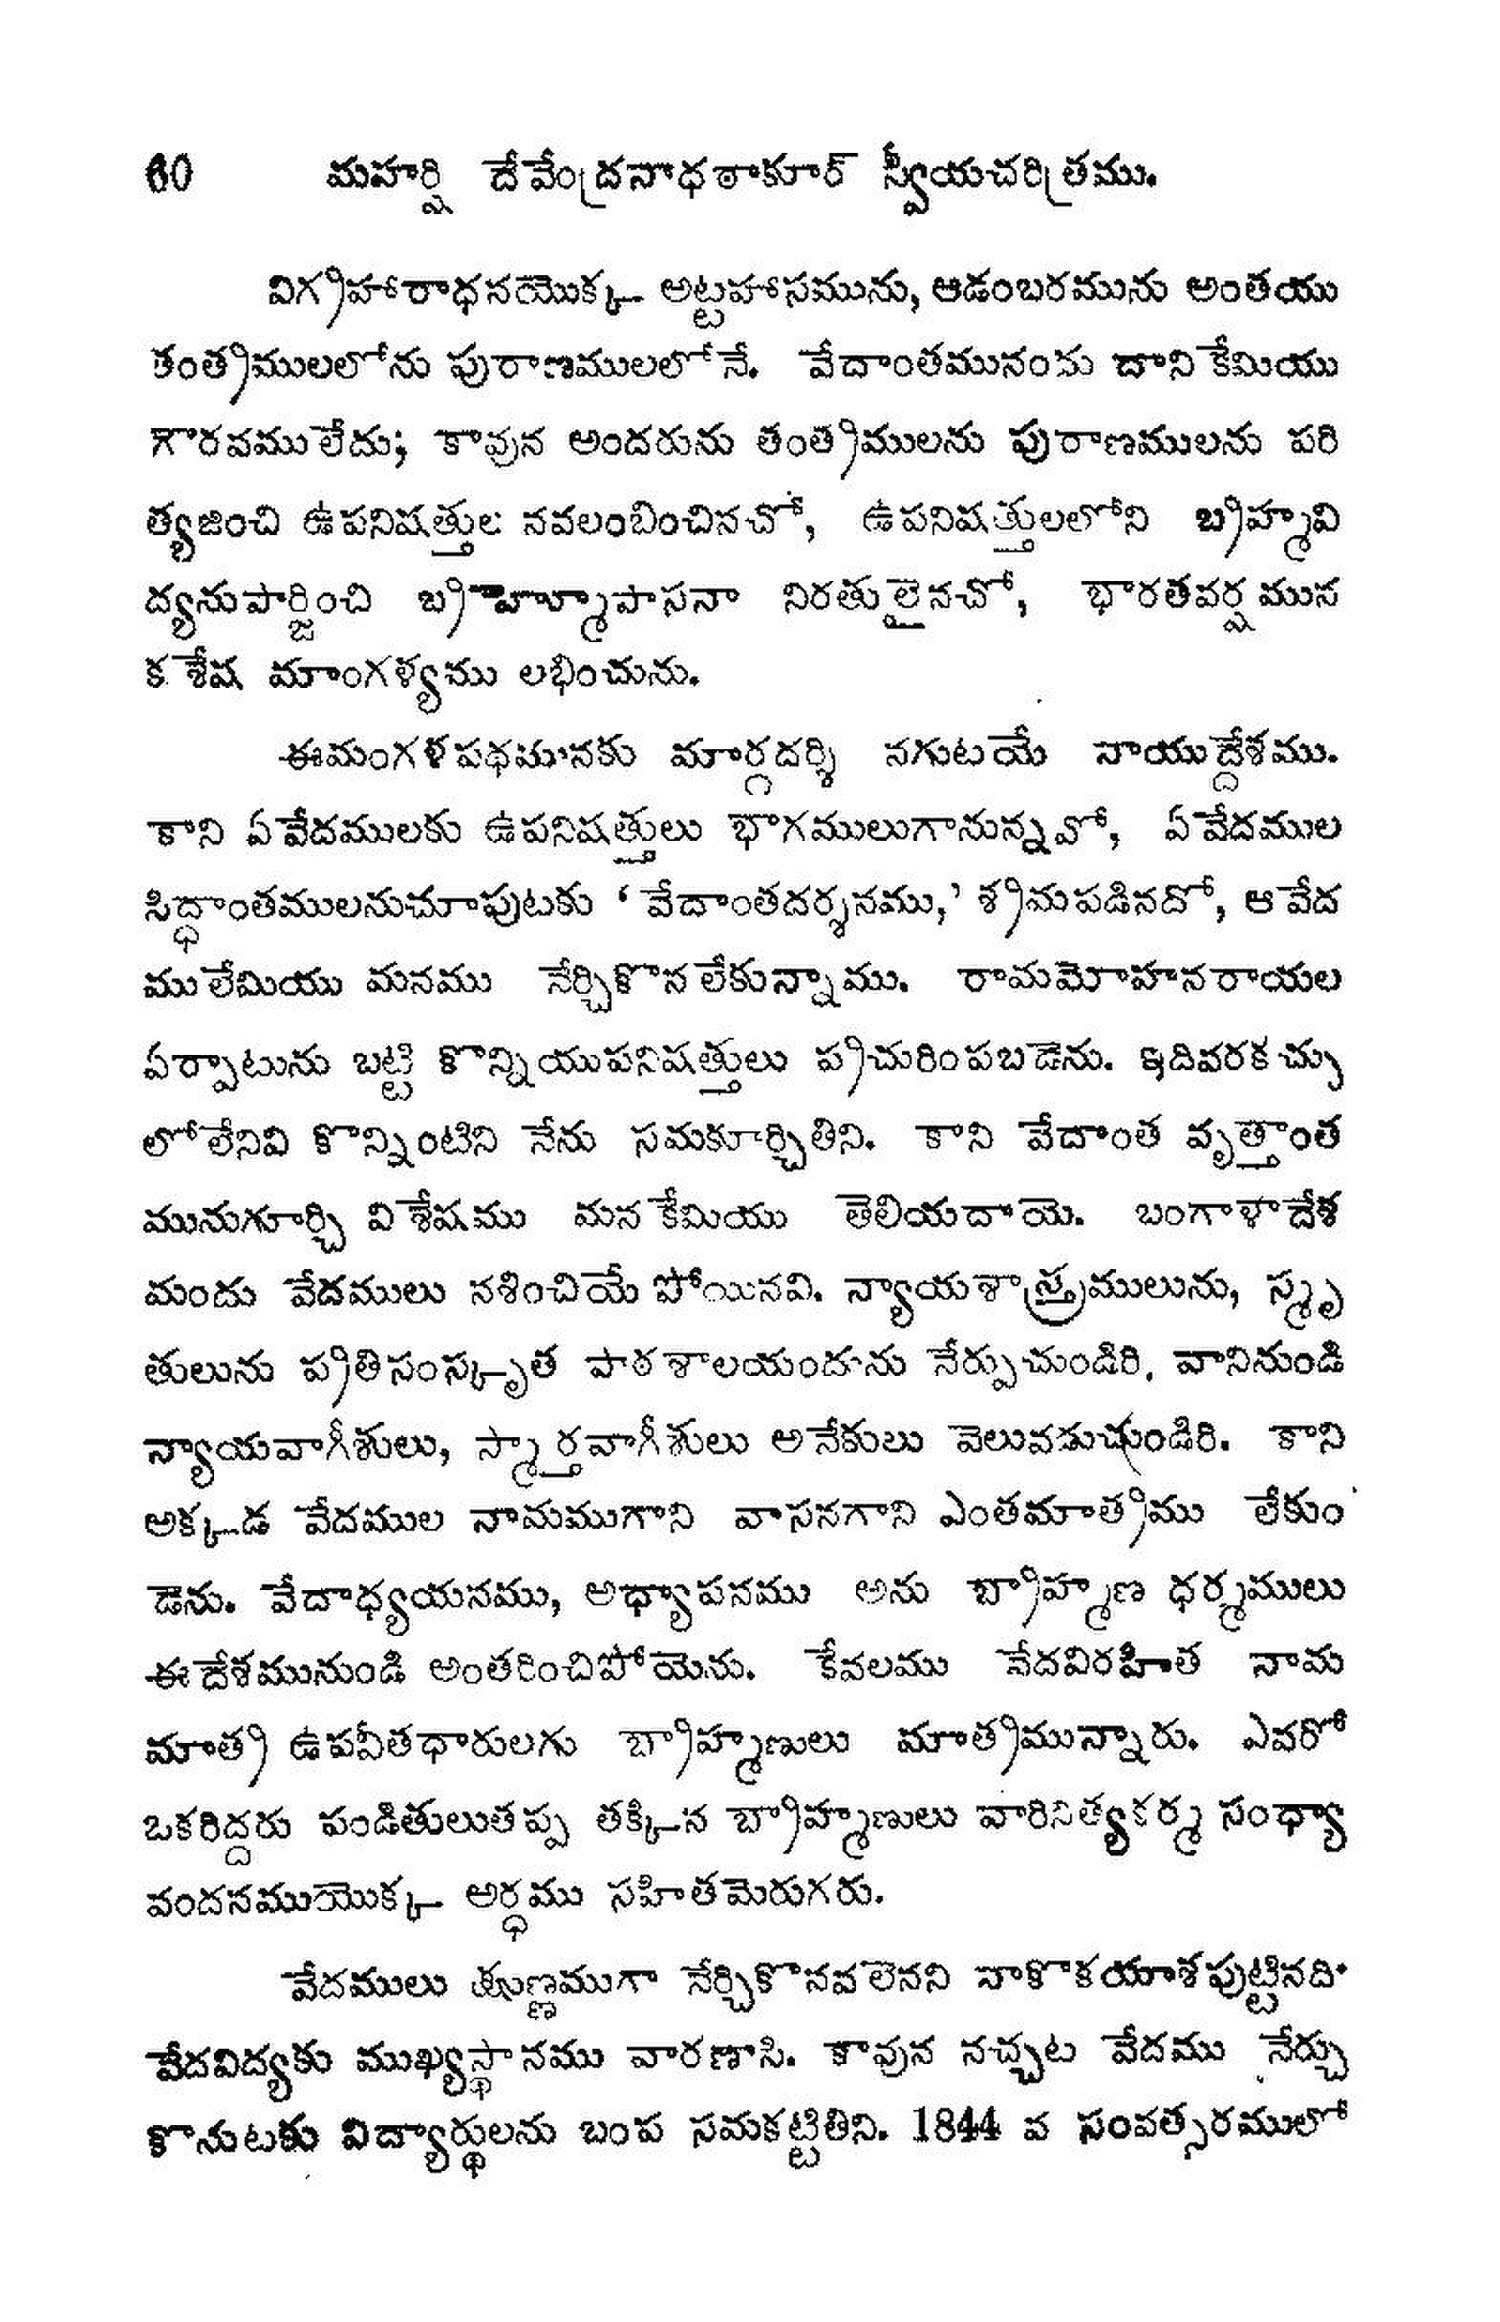విగ్రహారాధన యొక్క అట్టహాసమును, ఆడంబరమును అంతయు
కంతములలోను పురాణములలోనే. వేదాంతమునందు దాని కేమియు
గౌరవము లేదు; కావున అందరును తంత్రములను పురాణములను పరి
త్యజించి ఉపనిషత్తుల నవలంబించినచో, ఉపనిషత్తులలోని బ్రాహ్మవి
ద్యను పార్జించి బహ్మూపాసనా నిరతులైనచో, భారతవర్ష మున
కశేష మాంగళ్యము లభించును.

ఈమంగళ పధమునకు మార్గదర్శి నగుటయే నాయుద్దేశము.
కాని ఏవేదములకు ఉపనిషత్తులు భాగములుగానున్నవో, ఏ వేదముల
సిద్ధాంతములను చూపుటకు • వేదాంతదర్శనము, శ్రమపడినదో, ఆ వేద
ము లేమియు మనము నేర్చికొన లేకున్నాము. రామమోహన రాయల
ఏర్పాటును బట్టి కొన్ని యుపనిషత్తులు ప్రచురిం పబడెను. ఇదివరకచ్చు
లో లేనివి కొన్నింటిని నేను సమకూర్చితిని. కాని వేదాంత వృత్తాంత
మునుగూర్చి విశేషము మన కేమియు తెలియదాయె. బంగాళా దేశ
మందు వేదములు నశించియే పోయినవి, న్యాయశాస్త్రములును, స్మృ
తులును ప్రతి సంస్కృత పాఠశాలయందును నేర్పుచుండిరి. వానినుండి
న్యాయవాగీశులు, స్మార్త నాగీశులు అనేకులు వెలువడు చుండిరి. కాని
అక్కడ 'వేదముల నామముగాని వాసనగాని ఎంత మాత్రము లేకుండెను. "వేదాధ్యయనము, అధ్యాపనము అను బ్రాహ్మణ ధర్మములు
ఈ దేశమునుండి అంతరించి పోయెను. కేవలము వేదవిరహీత నామ
మాత్ర ఉపవీత ధారులగు బ్రాహ్మణులు మాత్రమున్నారు. ఎవరో
ఒకరిద్దరు పండితులుతప్ప తక్కిన బాహ్మణులు వారినిత్యకర్మ సంధ్యా
వందనము యొక్క అర్ధము సహితమెరుగరు.

వేదములు క్షుణ్ణముగా నేర్చికొనవలెనని నాకొకయాశ పుట్టినది "
వేదవిద్యకు ముఖ్య స్థానము వారణాసి. కావున నచ్చట వేదము నేర్చు
కొనుటకు విద్యార్థులను బంప సమకట్టితిని. 1844 వ సంవత్సరములో